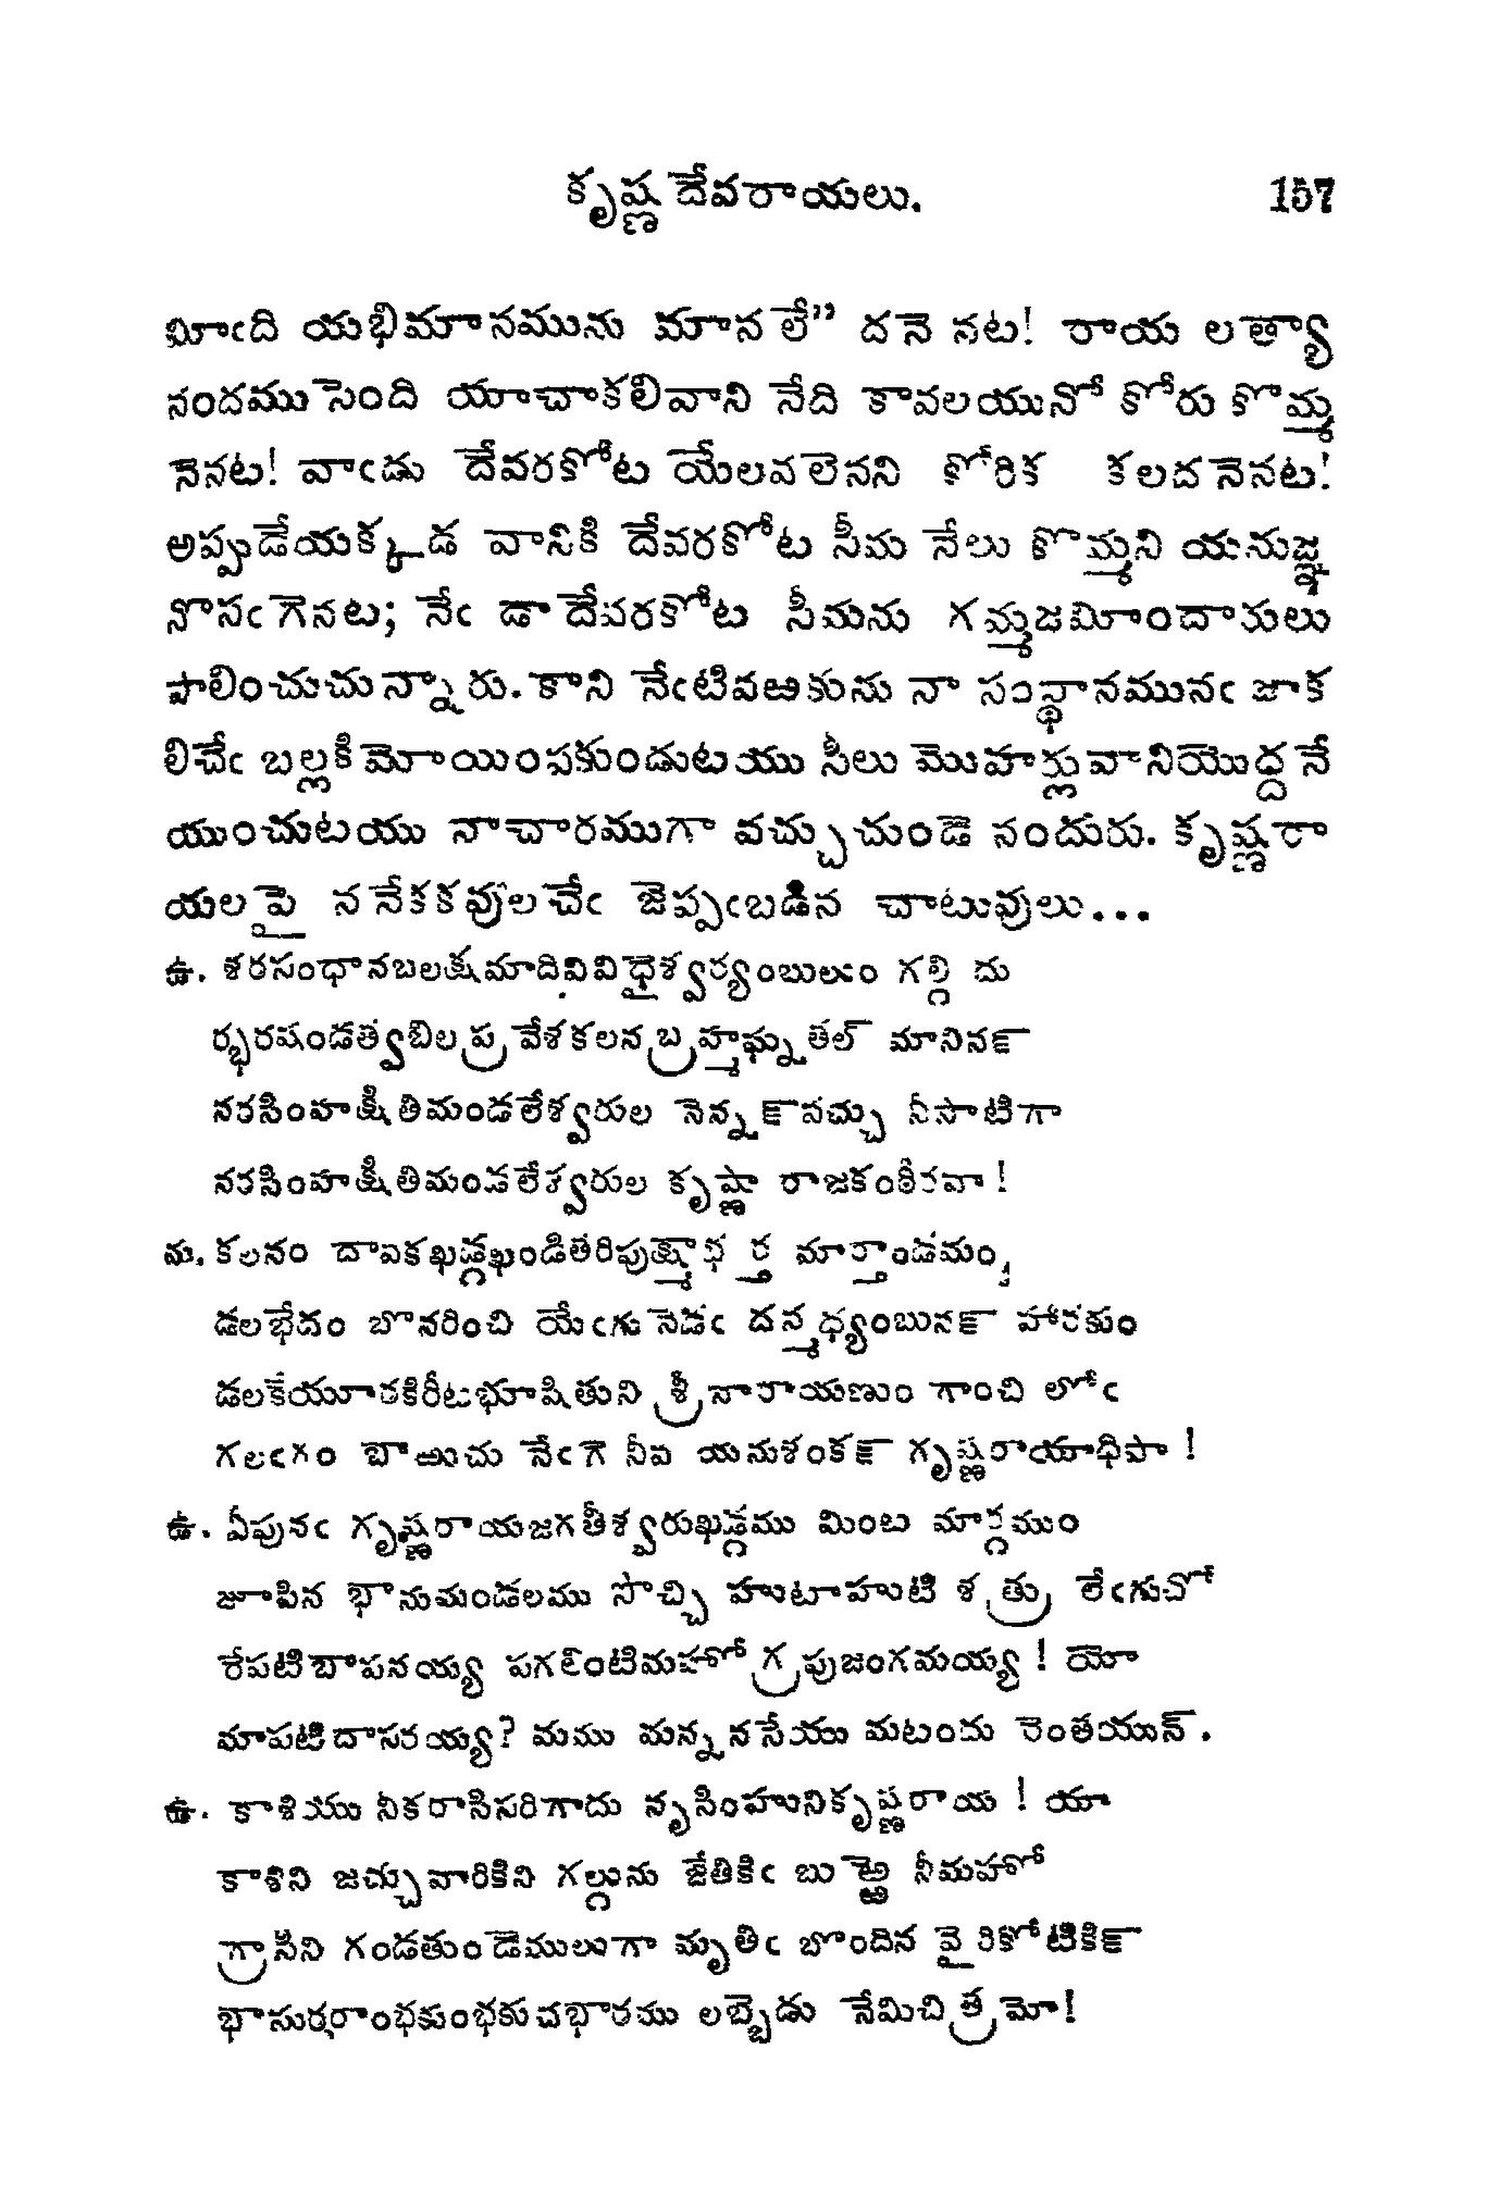మీఁది యభిమానమును మానలే”దనెనట! రాయ లత్యానందము సెంది యాచాకలివాని నేది కావలయునో కోరుకొమ్మనెనఁట! వాఁడు దేవరకోట యేలవలెనని కోరిక కలదనెనట! అప్పుడే యక్కడ వానికి దేవరకోట సీమ నేలుకొమ్మని యనుజ్ఞ నొసంగెనఁట. నేఁ డాదేవరకోట సీమను గమ్మజమీందారులు పాలించుచున్నారు. కాని నేఁటివఱకును నాసంస్థానమునఁ జాకలిచేఁ బల్లకి మోయింపకుండుటయు సీలు మొహర్లు వానియొద్దనే యుంచుటయు నాచారముగా వచ్చుచుండె నందురు. కృష్ణరాయలపై ననేక కవులచేఁ జెప్పఁబడిన చాటువులు—
ఉ. శరసంధానబలక్షమాదివివిధైశ్వర్యంబులుం గల్గి దు
 ర్భరషండత్వబిలప్రవేశకలనబ్రహ్మఘ్నతల్ మానినన్
 నరసింహక్షితిమండలేశ్వరుల నెన్నన్ వచ్చు నీసాటిగా
 నరసింహక్షితిమండలేశ్వరుల కృష్ణా! రాజకంఠీరవా!
మ. కలనం దావకఖడ్గఖండితరిపుక్ష్మాభర్త మార్తాండమం
 డలభేదం బొనరించి యేఁగునెడఁ దన్మధ్యంబునన్ హారకుం
 డలకేయూరకిరీటభూషితుని శ్రీనారాయణుం గాంచి లోఁ
 గలఁగం బాఱుచు నేఁగె నీవ యనుశంకన్ గృష్ణరాయాధిపా!
ఉ. ఏపునఁ గృష్ణరాయజగతీశ్వరుఖడ్గము మింట మార్గముం
 జూపిన భానుమండలము సొచ్చి హుటాహుటి శత్రు లేఁగుచో
 రేపటిబాపనయ్య పగలింటిమహోగ్రపుజంగమయ్య! యో
 మాపటి దాసరయ్య! మము మన్నన సేయు మటందు రెంతయున్.
ఉ. కాశియు నీకరాసిసరిగాదు నృసింహునికృష్ణరాయ! యా
 కాశిని జచ్చువారికిని గల్గును జేతికిఁ బుఱ్ఱె నీమహో
 గ్రాసిని గండతుండెమాలుగా మృతిఁ బొందిన వైరికోటికిన్
 భాసురరాంభకుంభకుచభారము లబ్బెడు నేమిచిత్రమో!